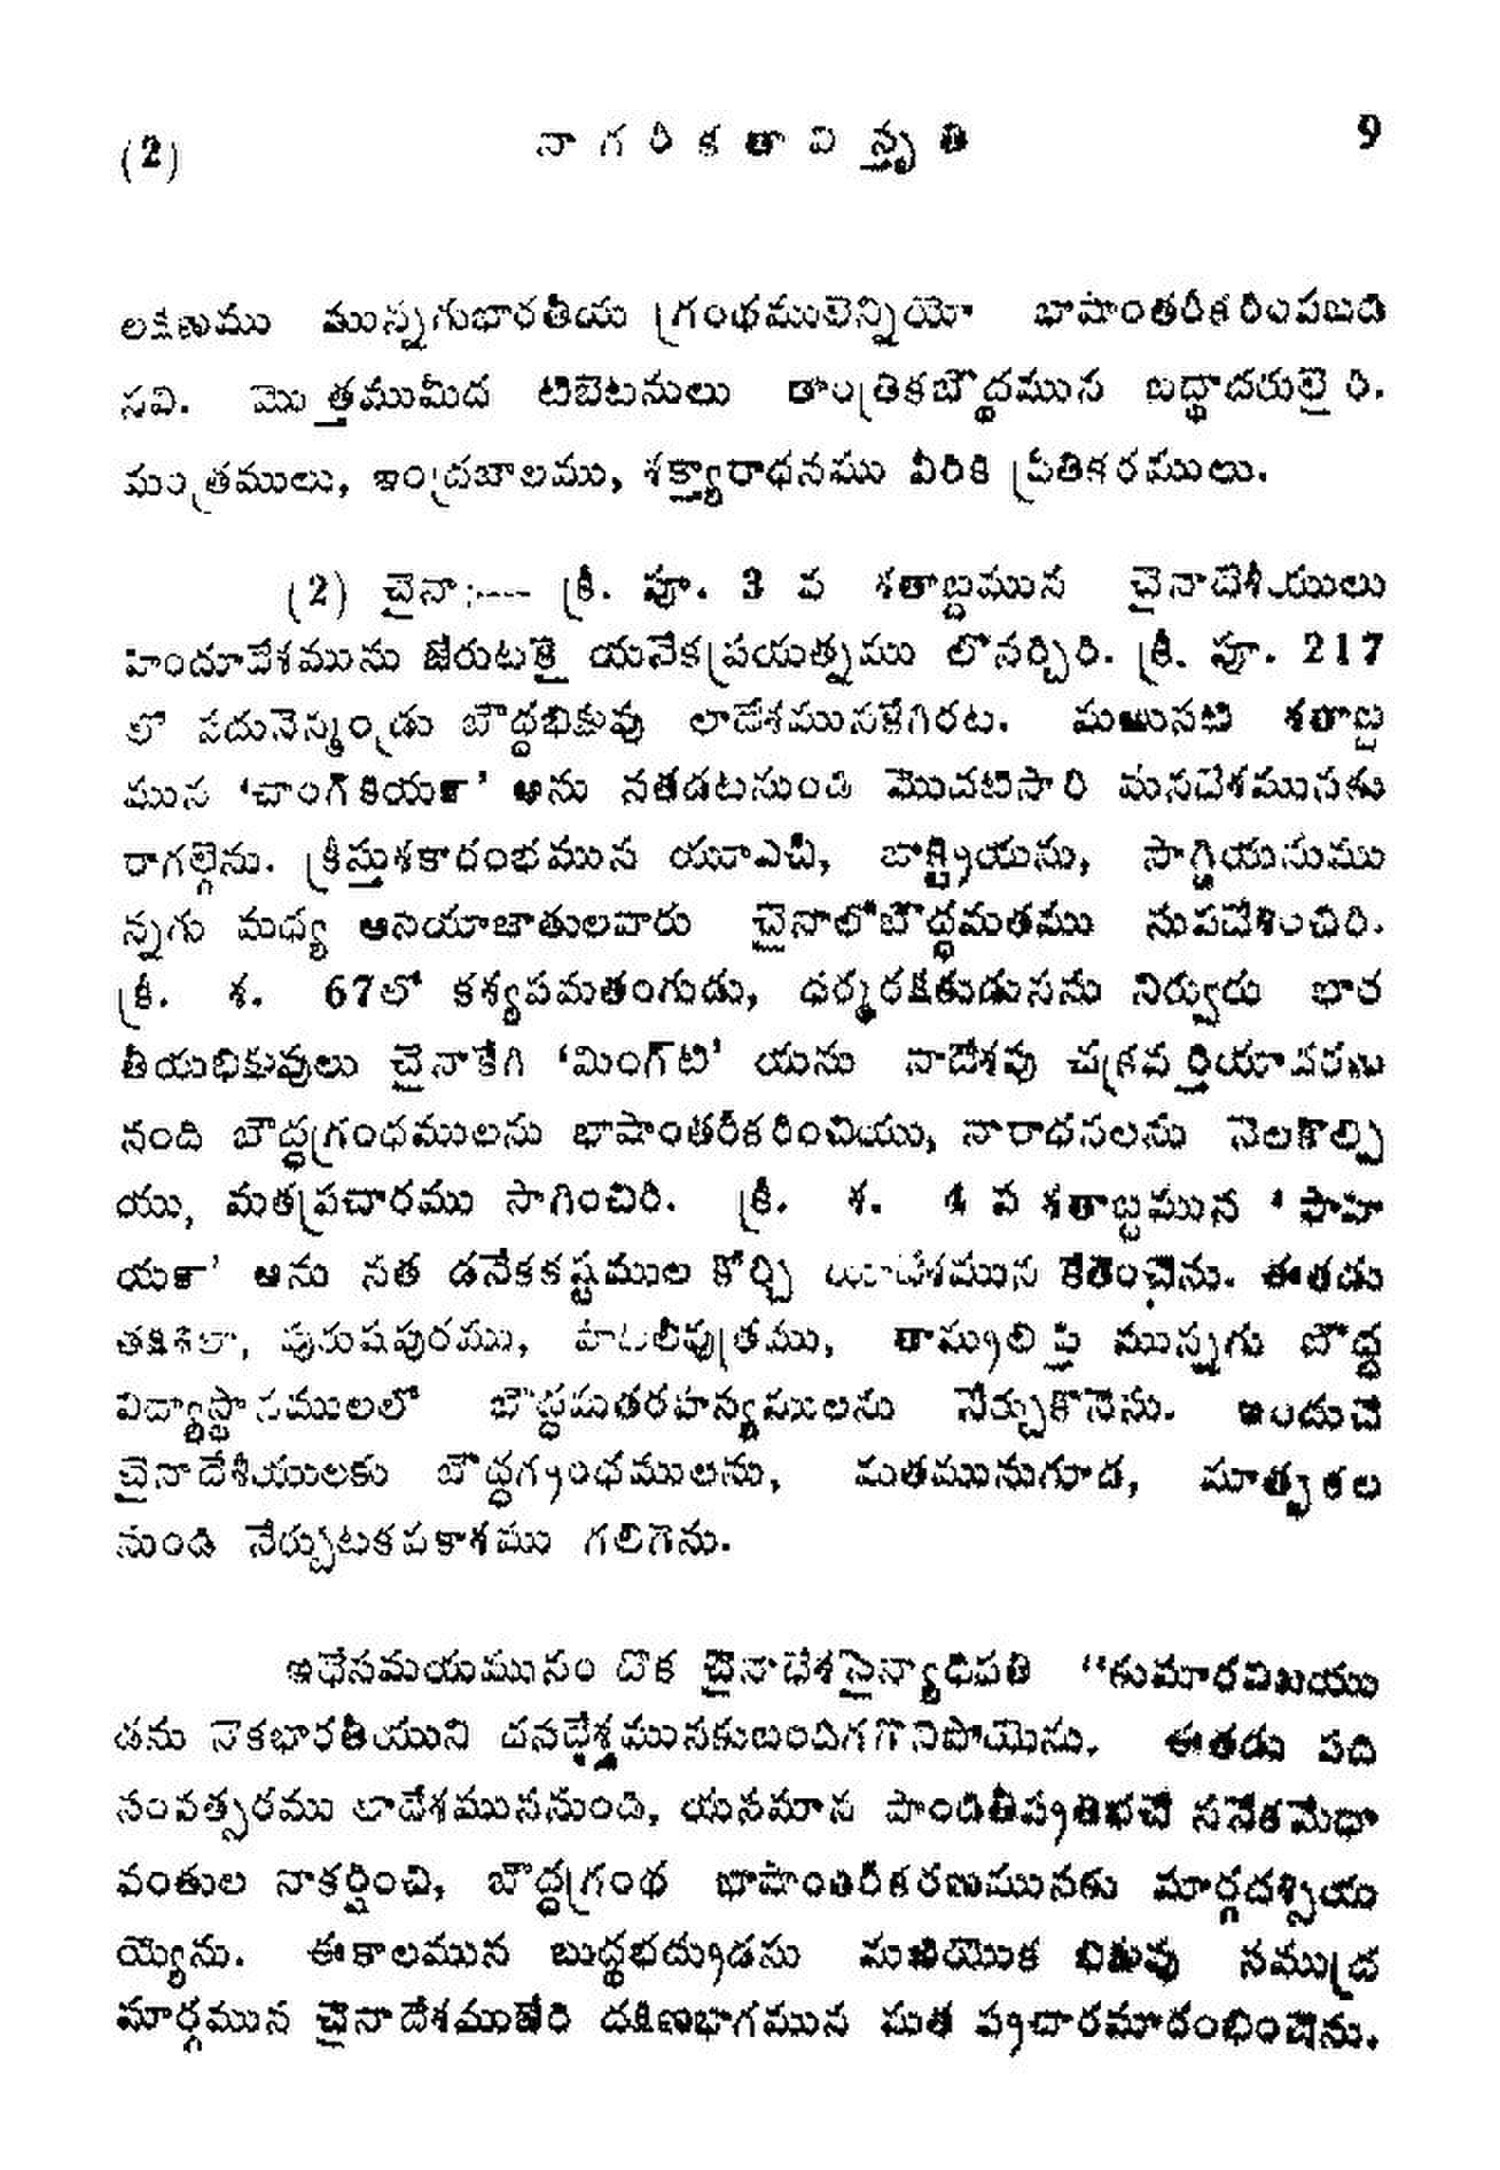లక్షణము మున్నగుభారతీయ గ్రంథములెన్నియో భాషాంతరీకరింపబడినవి. మొత్తముమీద టిబెటనులు తాంత్రికబౌద్దమున బద్ధాదరులైరి. మంత్రములు, ఇంద్రజాలము, శక్త్యారాధనము వీరికి ప్రీతికరములు.

(2) చైనా :- క్రీ. పూ. 3 వ శతాబ్దమున చైనాదేశీయులు హిందూదేశమును జేరుటకై యనేకప్రయత్నము లొనర్చిరి. క్రీ. పూ. 217లో పదునెన్మండ్రు బౌద్దబిక్షవు లాదేశమునకేగిరట. మఱుసటి శతాబ్దమున 'చాంగ్‌కియన్‌' అను నతడటనుండి మొదటిసారి మనదేశమునకు రాగల్గెను. క్రీస్తుశకారంభమున యూఎచి, బాక్ట్రియను, సాగ్ఱయసుమున్నగు మద్య ఆసియాజాతులవారు చైనాలోబౌద్దమతము నుపదేశించిరి. క్రీ. శ. 67లో కశ్యపమతంగుడు, ధర్మరక్షకుడునను నిర్వురు భారతీయభిక్షవులు చైనాకేగి 'మింగ్‌టి' యను నాదేశపు చక్రవర్తియాదరణ నంది బౌద్దగ్రంథములను భాషాంతరీకరించియు, నారాధనలను నెలకొల్పియు, మతప్రచారము సాగించిరి. క్రీ. శ. 4 వ శతాబ్దమున 'పాహియన్‌' అను నత డనేకకష్టముల కోర్చి యీదేశమున కేతెంచెను. ఈతడు తక్షశిలా, పురుషపురము, పాటలీపుత్రము, తామ్రలిప్తి మున్నగు బౌద్ద విద్యాస్థానములలో బౌద్దమతరహస్యములను నేర్చుకొనెను. ఇందుచే చైనాదేశీయులకు బౌద్దగ్రంథములను, మతమునుగూడ, సూత్రతల నుండి నేర్పుటకవకాశము గలిగెను.

ఇదేసమయమునం దొక చైనాదేశసైన్యాధిపతి "కుమారవిజయుడను నొకభారతీయుని దనదేశమునకుబందిగగొనిపోయెను. ఈతడు పదిసంవత్సరము లాదేశముననుండి, యసమాన పాండితీప్రతిభచే ననేకమేధావంతుల నాకర్షించి, బౌద్దగ్రంథ భాషాంతరీకరణమునకు మార్గదశ్సియయ్యెను. ఈకాలమున బుద్దభద్రుడను మఱియొక భిక్షవు సముద్రమార్గమున చైనాదేశముజేరి దక్షిణభాగమున మత ప్రచారమారంభించెను.